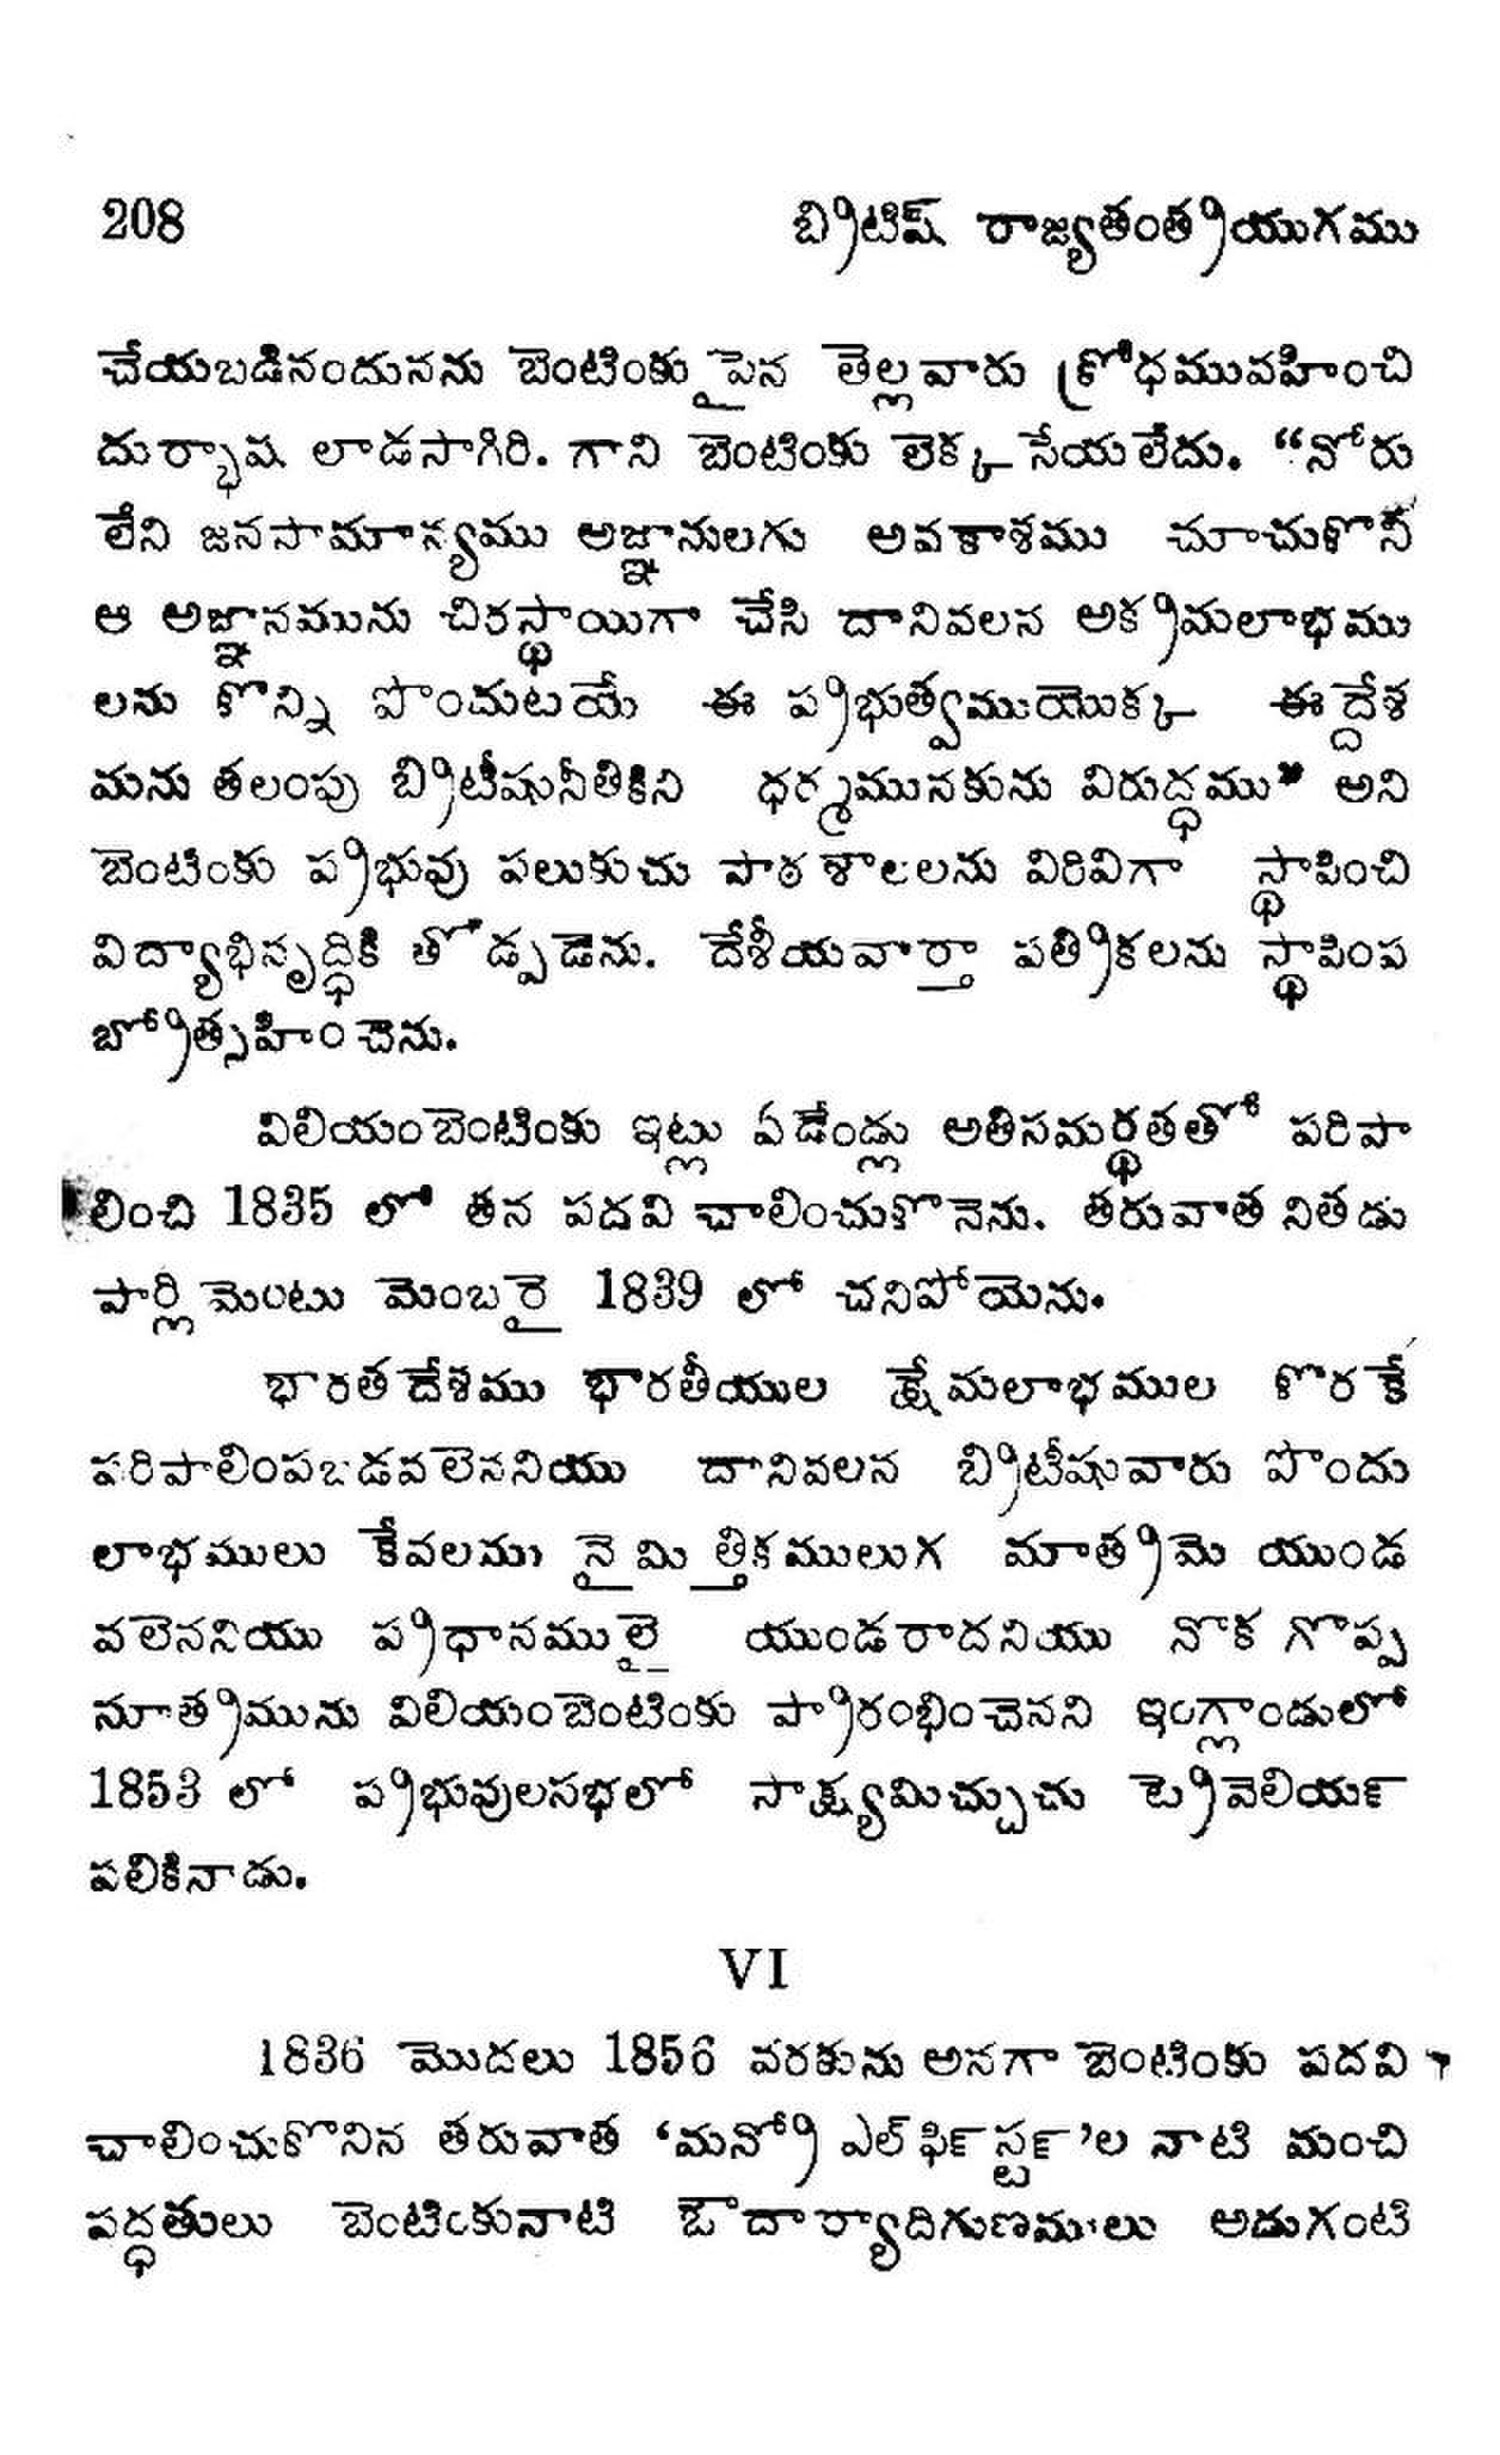చేయబడినందునను బెంటింకుపైన తెల్లవారు క్రోధమువహించి దుర్భాష లాడసాగిరి. గాని బెంటింకు లెక్క సేయలేదు. “నోరులేని జనసామాన్యము అజ్ఞానులగు అవకాశము చూచుకొని ఆ అజ్ఞానమును చిరస్థాయిగా చేసి దానివలన అక్రమలాభములను కొన్ని పొందుటయే ఈ ప్రభుత్వముయొక్క ఉద్దేశమను తలంపు బ్రిటీషునీతికిని ధర్మమునకును విరుద్దము" అని బెంటింకు ప్రభువు పలుకుచు పాఠశాలలను విరివిగా స్థాపించి విద్యాభివృద్ధికి తోడ్పడెను. దేశీయవార్తా పత్రికలను స్థాపింప బ్రోత్సహించెను.

విలియంబెంటింకు ఇట్లు ఏడేండ్లు అతిసమర్థతతో పరిపాలించి 1835 లో తన పదవి చాలించుకొనెను. తరువాత నితడు పార్లమెంటు మెంబరై 1839 లో చనిపోయెను.

భారతదేశము భారతీయుల క్షేమలాభముల కొరకే పరిపాలింపబడవలెననియు దానివలన బ్రిటీషువారు పొందు లాభములు కేవలము నైమిత్తికములుగ మాత్రమె యుండవలెననియు ప్రధానములై యుండరాదనియు నొక గొప్ప సూత్రమును విలియంబెంటింకు ప్రారంభించెనని ఇంగ్లాండులో 1853 లో ప్రభువులసభలో సాక్ష్యమిచ్చుచు ట్రెవెలియ౯ పలికినాడు.

VI 

1836 మొదలు 1856 వరకును అనగా బెంటింకు పదవి చాలించుకొనిన తరువాత 'మన్రో ఎల్‌ఫి౯స్ట౯'ల నాటి మంచి పద్దతులు బెంటింకునాటి ఔదార్యాదిగుణములు అడుగంటి